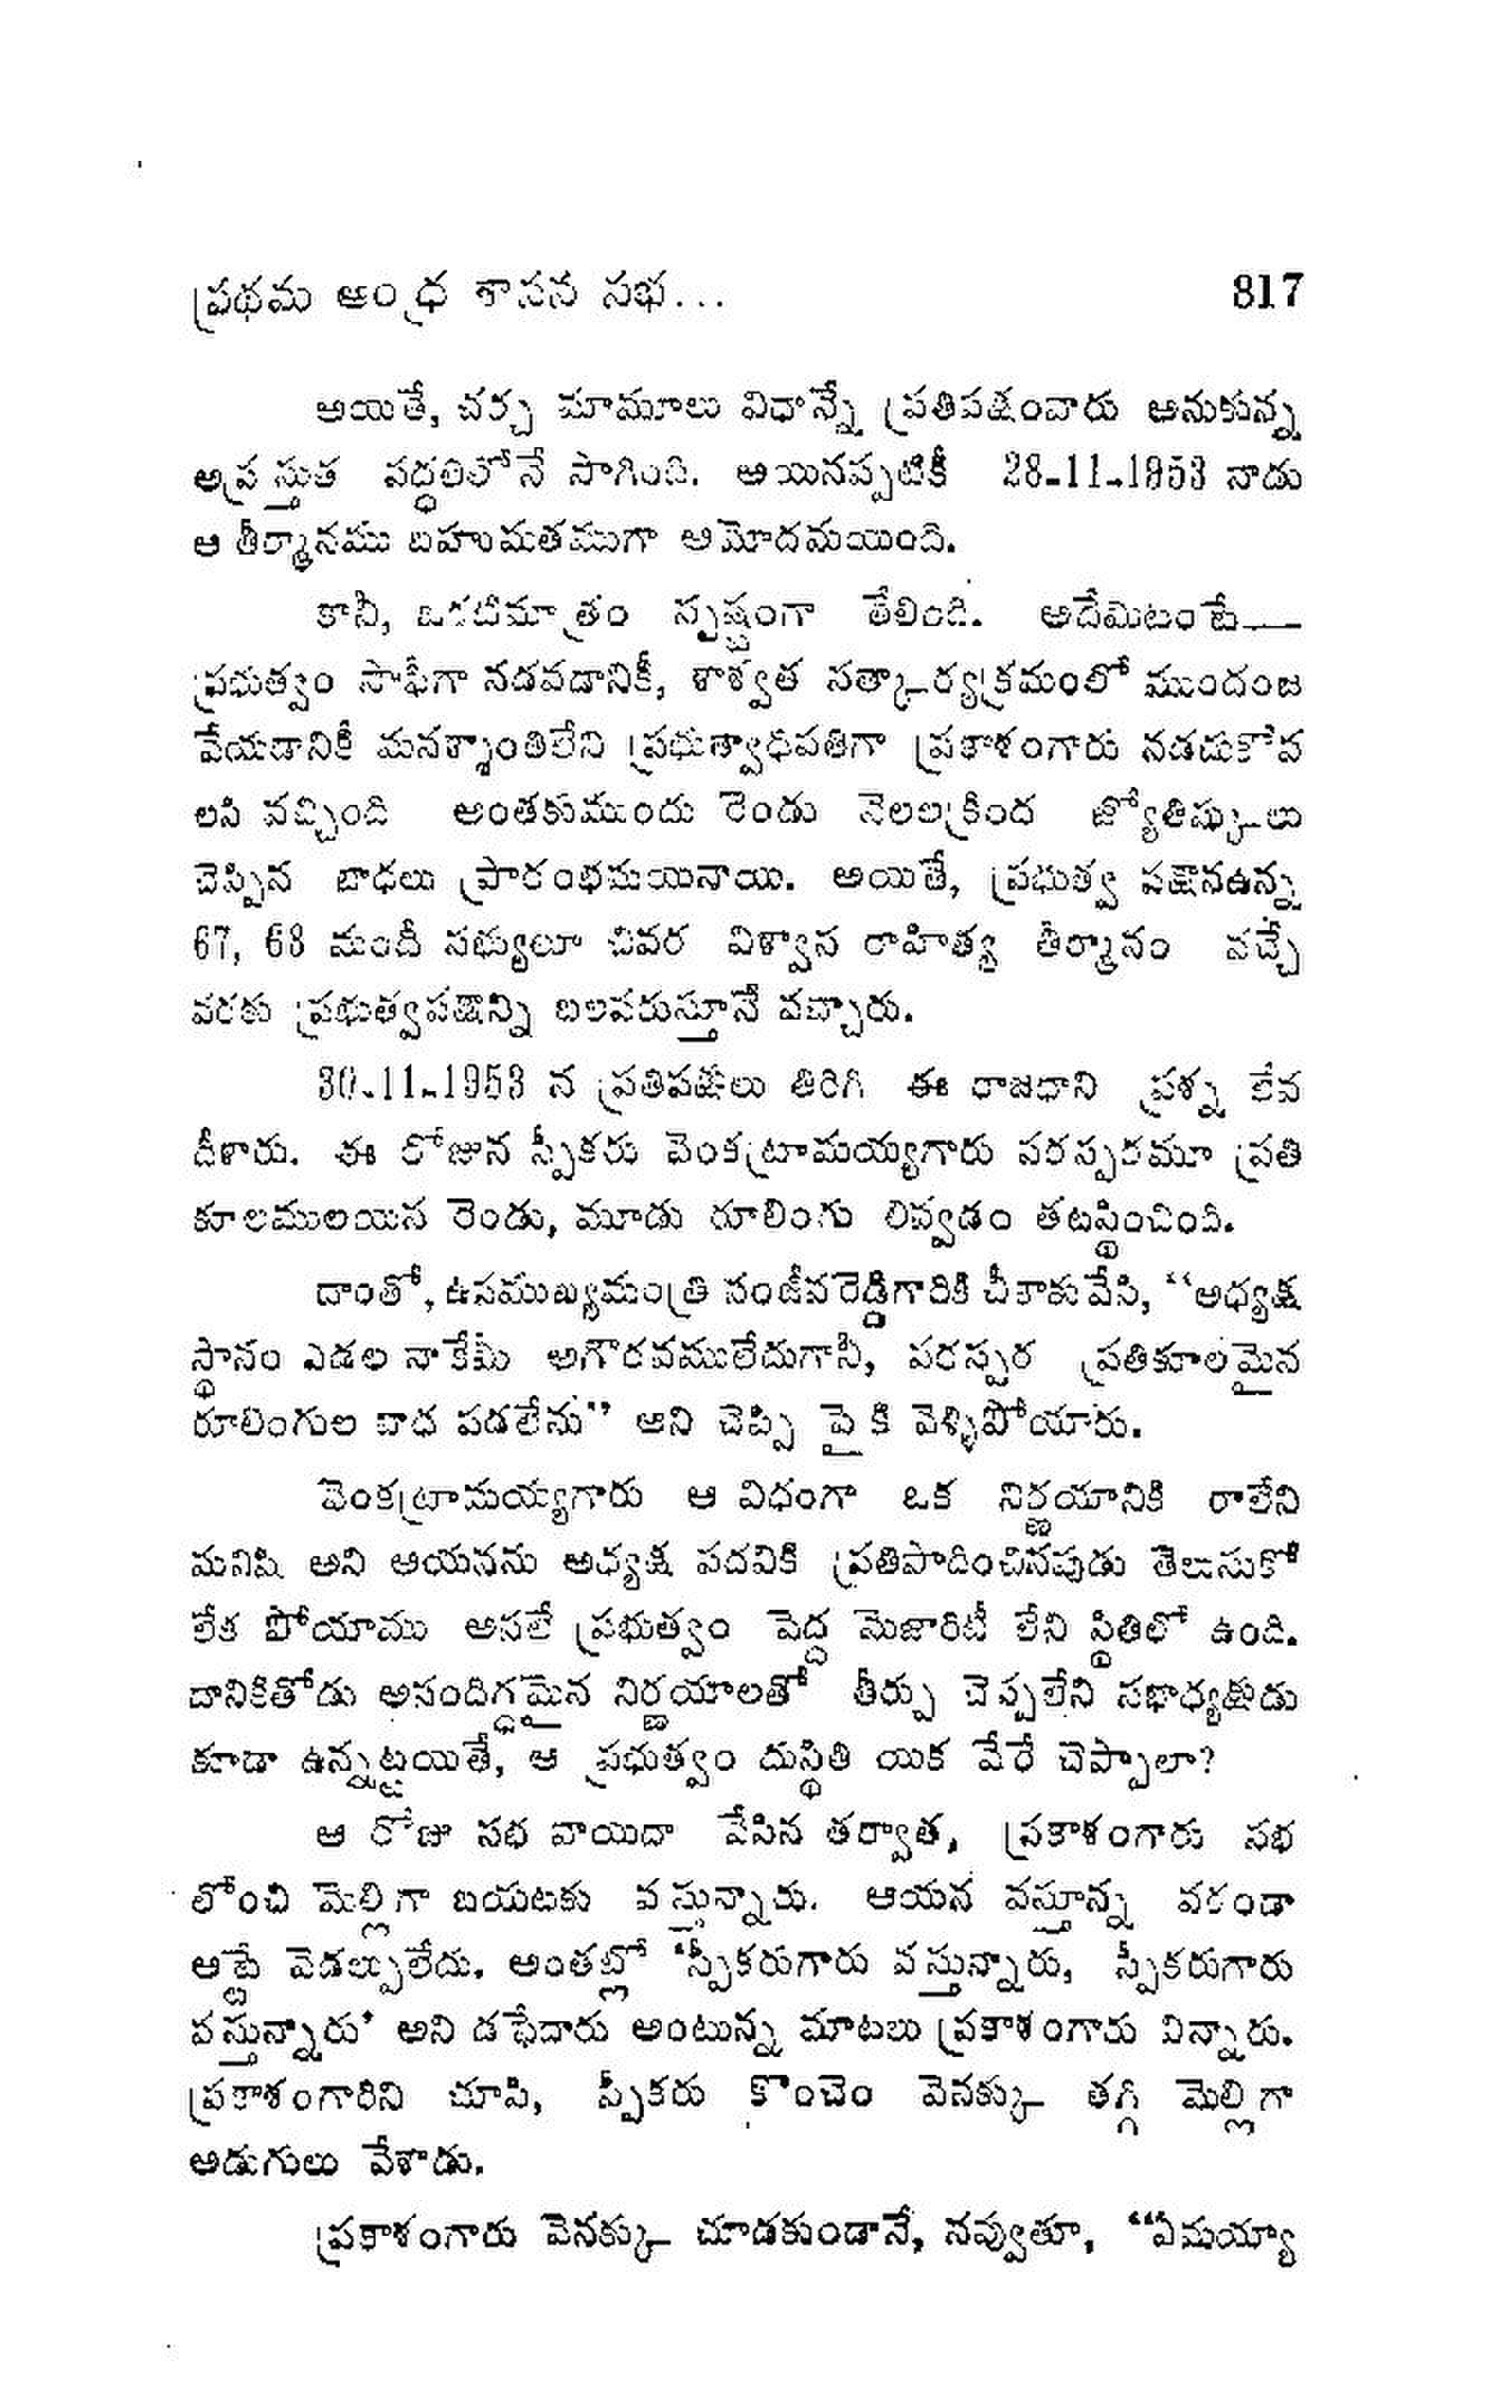అయితే, చర్చ మామూలు విధాన్నే ప్రతిపక్షంవారు అనుకున్న అప్రస్తుత పద్ధతిలోనే సాగింది. అయినప్పటికీ 28-11-1953 నాడు ఆ తీర్మానము బహుమతముగా ఆమోదమయింది.

కానీ, ఒకటిమాత్రం స్పష్టంగా తేలింది. అదేమిటంటే - ప్రభుత్వం సాఫీగా నడవడానికీ, శాశ్వత సత్కార్యక్రమంలో ముందంజ వేయడానికీ మనశ్శాంతిలేని ప్రభుత్వాధిపతిగా ప్రకాశంగారు నడుచుకోవలసి వచ్చింది. అంతకుముందు రెండు నెలలక్రింద జ్యోతిష్కులు చెప్పిన బాధలు ప్రారంభమయినాయి. అయితే, ప్రభుత్వ పక్షాన ఉన్న 67, 68 మందీ సభ్యులూ చివర విశ్వాస రాహిత్య తీర్మానం వచ్చేవరకు ప్రభుత్వపక్షాన్ని బలపరుస్తూనే వచ్చారు.

30-11-1953 న ప్రతిపక్షులు తిరిగి ఈ రాజధాని ప్రశ్న లేవదీశారు. ఈ రోజున స్పీకరు వెంకట్రామయ్యగారు పరస్పరమూ ప్రతికూలములయిన రెండు, మూడు రూలింగు లివ్వడం తటస్థించింది.

దాంతో, ఉపముఖ్యమంత్రి సంజీవరెడ్డిగారికి చీకాకు వేసి, "అధ్యక్షస్థానం ఎడల నాకేమీ అగౌరవములేదుగానీ, పరస్పర ప్రతికూలమైన రూలింగుల బాధ పడలేను" అని చెప్పి పైకి వెళ్ళిపోయారు.

వెంకట్రామయ్యగారు ఆ విధంగా ఒక నిర్ణయానికి రాలేని మనిషి అని ఆయనను అధ్యక్ష పదవికి ప్రతిపాదించినపుడు తెలుసుకోలేక పోయాము. అసలే ప్రభుత్వం పెద్ద మెజారిటీ లేని స్థితిలో ఉంది. దానికితోడు అసందిగ్ధమైన నిర్ణయాలతో తీర్పు చెప్పలేని సభాధ్యక్షుడు కూడా ఉన్నట్టయితే, ఆ ప్రభుత్వం దుస్థితి యిక వేరే చెప్పాలా?

ఆ రోజూ సభ వాయిదా వేసిన తర్వాత, ప్రకాశంగారు సభలోంచి మెల్లిగా బయటకు వస్తున్నారు. ఆయన వస్తూన్న వరండా అట్టే వెడల్పులేదు. అంతట్లో 'స్పీకరుగారు వస్తున్నారు, స్పీకరుగారు వస్తున్నారు" అని డఫేదారు అంటున్న మాటలు ప్రకాశంగారు విన్నారు. ప్రకాశంగారిని చూసి, స్పీకరు కొంచెం వెనక్కు తగ్గి మెల్లిగా అడుగులు వేశాడు.

ప్రకాశంగారు వెనక్కు చూడకుండానే, నవ్వుతూ, "ఏమయ్యా